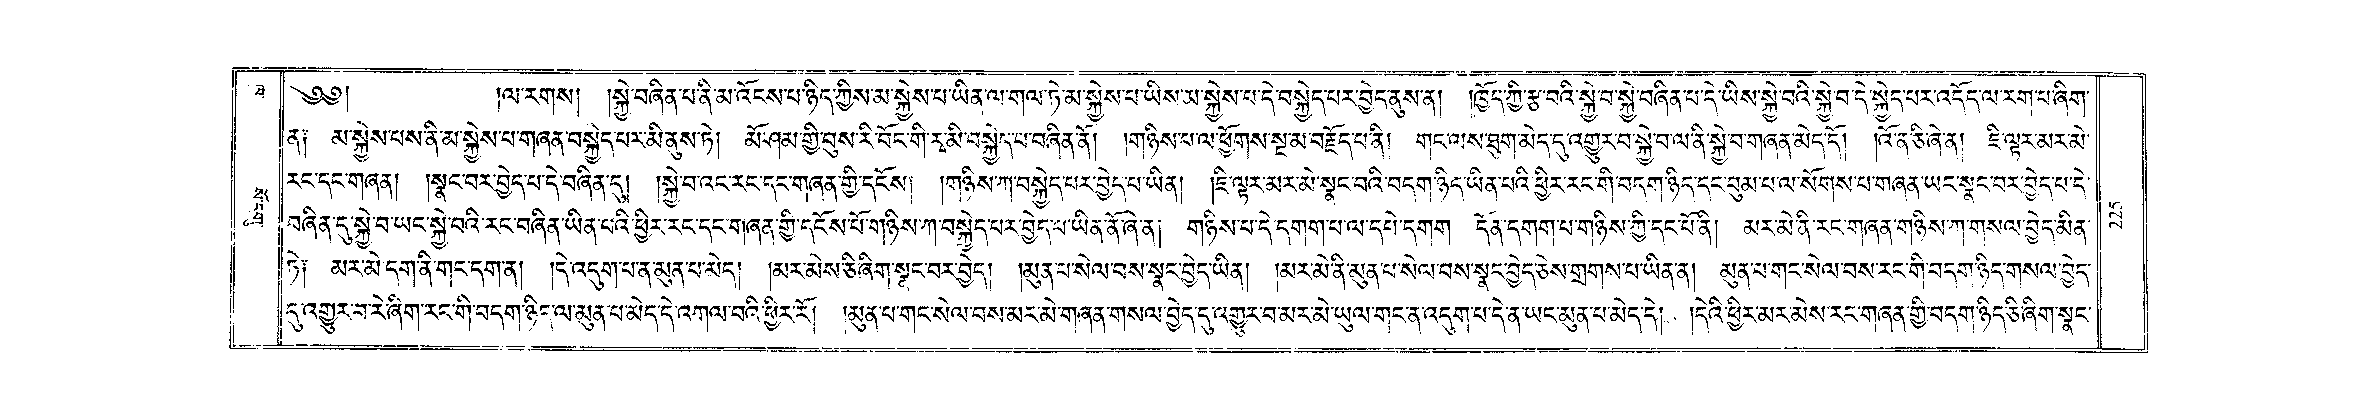༄༅། །ལ་རགས། །སྐྱེ་བཞིན་པ་ནི་མ་འོངས་པ་ཉིད་ཀྱིས་མ་སྐྱེས་པ་ཡིན་ལ་གལ་ཏེ་མ་སྐྱེས་པ་ཡིས་མ་སྐྱེས་པ་དེ་བསྐྱེད་པར་བྱེད་ནུས་ན། །ཁྱོད་ཀྱི་རྩ་བའི་སྐྱེ་བ་སྐྱེ་བཞིན་པ་དེ་ཡིས་སྐྱེ་བའི་སྐྱེ་བ་དེ་སྐྱེད་པར་འདོད་ལ་རག་པ་ཞིག་
ན༑ མ་སྐྱེས་པས་ནི་མ་སྐྱེས་པ་གཞན་བསྐྱེད་པར་མི་ནུས་ཏེ། མོ་ཤམ་གྱི་བུས་རི་བོང་གི་རྭ་མི་བསྐྱེད་པ་བཞིན་ནོ། །གཉིས་པ་ལ་ཕྱོགས་སྔ་མ་བརྗོད་པ་ནི། གང་ལས་ཐུགས་མེད་དུ་འགྱུར་བ་སྐྱེ་བ་ལ་ནི་སྐྱེ་བ་གཞན་མེད་དོ། །འོ་ན་ཅི་ཞེ་ན། ཇི་ལྟར་མར་མེ་
རང་དང་གཞན། །སྣང་བར་བྱེད་པ་དེ་བཞིན་དུ། །སྐྱེ་བ་འང་རང་དང་གཞན་གྱི་དངོས། །གཉིས་ཀ་བསྐྱེད་པར་བྱེད་པ་ཡིན། །ཇི་ལྟར་མར་མེ་སྣང་བའི་བདག་ཉིད་ཡིན་པའི་ཕྱིར་རང་གི་བདག་ཉིད་དང་བུམ་པ་ལ་སོགས་པ་གཞན་ཡང་སྣང་བར་བྱེད་པ་དེ་
བཞིན་དུ་སྐྱེ་བ་ཡང་སྐྱེ་བའི་རང་བཞིན་ཡིན་པའི་ཕྱིར་རང་དང་གཞན་གྱི་དངོས་པོ་གཉིས་ཀ་བསྐྱེད་པར་བྱེད་པ་ཡིན་ནོ་ཞེ་ན། གཉིས་པ་དེ་དགག་པ་ལ་དཔེ་དགག་དོན་དགག་པ་གཉིས་ཀྱི་དང་པོ་ནི། མར་མེ་ནི་རང་གཞན་གཉིས་ཀ་གསལ་བྱེད་མིན་
ཏེ༑ མར་མེ་དག་ནི་གང་དག་ན། །དེ་འདུག་པ་ན་མུན་པ་མེད། །མར་མེས་ཅི་ཞིག་སྣང་བར་བྱེད། །མུན་པ་སེལ་བས་སྣང་བྱེད་ཡིན། །མར་མེ་ནི་མུན་པ་སེལ་བས་སྣང་བྱེད་ཅེས་གྲགས་པ་ཡིན་ན། མུན་པ་གང་སེལ་བས་རང་གི་བདག་ཉིད་གསལ་བྱེད་
དུ་འགྱུར་བ་རེ་ཞིག་རང་གི་བདག་ཉིད་ལ་མུན་པ་མེད་དེ་འགལ་བའི་ཕྱིར་རོ། །མུན་པ་གང་སེལ་བས་མར་མེ་གཞན་གསལ་བྱེད་དུ་འགྱུར་བ་མར་མེ་ཡུལ་གང་ན་འདུག་པ་དེ་ན་ཡང་མུན་པ་མེད་དེ། །དེའི་ཕྱིར་མར་མེས་རང་གཞན་གྱི་བདག་ཉིད་ཅི་ཞིག་སྣང་